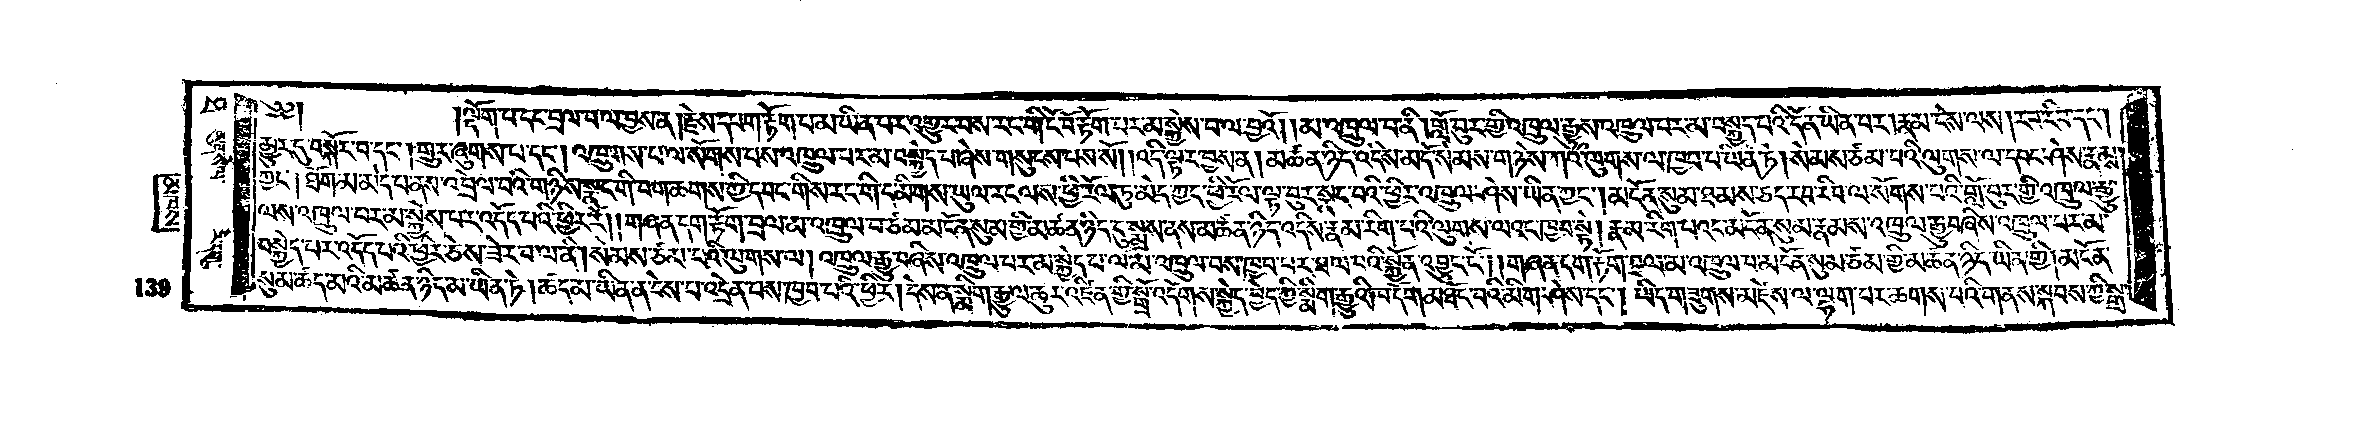༄༅། །ལྡོག་པ་དང་བྲལ་བ་ལ་བྱས་ན། རྗེས་དཔག་རྟོག་པ་མ་ཡིན་པར་འགྱུར་བས་རང་གི་ངོ་བོ་རྟོག་པར་མ་སྐྱེས་པ་ལ་བྱའོ། །མ་འཁྲུལ་བ་ནི། གློ་བུར་གྱི་འཁྲུལ་རྒྱུས་འཁྲུལ་པར་མ་བསྐྱད་པའི་དོན་ཡིན་པར། རྣམ་ངེས་ལས། རབ་རིབ་དང་།
མྱུར་དུ་བསྐོར་བ་དང་། གྲུར་ཞུགས་པ་དང་། འཁྲུགས་པ་ལ་སོགས་པས་འཁྲུལ་པར་མ་བསྐྱེད་པ་ཞེས་གསུངས་པས་སོ། །འདི་ལྟར་བྱས་ན། མཚན་ཉིད་འདིས་མདོ་སེམས་གཉིས་ཀའི་ལུགས་ལ་ཁྱབ་པ་ཡིན་ཏེ། སེམས་ཙམ་པའི་ལུགས་ལ་དབང་ཤེས་རྣམས་
ཀྱང་། ཐོག་མ་མེད་པ་ནས། འབྲེལ་བའི་གཉིས་སྣང་གི་བག་ཆགས་ཀྱི་དབང་གིས་རང་གི་དམིགས་ཡུལ་རང་ལས་ཕྱི་རོལ་ཏུ་མེད་ཀྱང་ཕྱི་རོལ་ལྟ་བུར་སྣང་བའི་ཕྱིར་འཁྲུལ་ཤེས་ཡིན་ཀྱང་། མངོན་སུམ་ཐམས་ཅད་རབ་རིབ་ལ་སོགས་པའི་གློ་བུར་གྱི་འཁྲུལ་རྒྱུ་
ལས་འཁྲུལ་བར་མ་སྐྱེས་པར་འདོད་པའི་ཕྱིར་རོ། །གཞན་དག་རྟོག་བྲལ་མ་འཁྲུལ་བ་ཙམ་མངོན་སུམ་གྱི་མཚན་ཉིད་དུ་སྨྲས་ནས་མཚན་ཉིད་འདིས་རྣམ་རིག་པའི་ལུགས་ལའང་ཁྱབ་སྟེ། རྣམ་རིག་པའང་མངོན་སུམ་རྣམས་འཁྲུལ་རྒྱུ་བཞིས་འཁྲུལ་པར་མ་
བསྐྱེད་པར་འདོད་པའི་ཕྱིར་ཅེས་ཟེར་བ་ལ་ནི། སེམས་ཙམ་པའི་ལུགས་ལ། འཁྲུལ་རྒྱུ་བཞིས་འཁྲུལ་པར་མ་སྐྱེད་པ་ལ་མ་འཁྲུལ་པས་ཁྱབ་པར་ཐལ་བའི་སྐྱོན་འབྱུང་ངོ། །གཞན་དག་རྟོག་བྲལ་མ་འཁྲུལ་བ་མངོན་སུམ་ཙམ་གྱི་མཚན་ཉིད་ཡིན་གྱི། མངོན་
སུམ་ཚད་མའི་མཚན་ཉིད་མ་ཡིན་ཏེ། ཚད་མ་ཡིན་ན་ངེས་པ་འདྲེན་པས་ཁྱབ་པའི་ཕྱིར། དེས་ན་སྨིག་རྒྱུ་ལ་ཆུར་འཛིན་གྱི་སྒྲོ་འདོགས་སྐྱེད་བྱེད་ཀྱི་སྨིག་རྒྱུའི་ཁ་དོག་མཐོང་བའི་མིག་ཤེས་དང་། ཡིད་གཟུགས་མཛེས་ལ་ལྷག་པར་ཆགས་པའི་གནས་སྐབས་ཀྱི་སྒྲ་